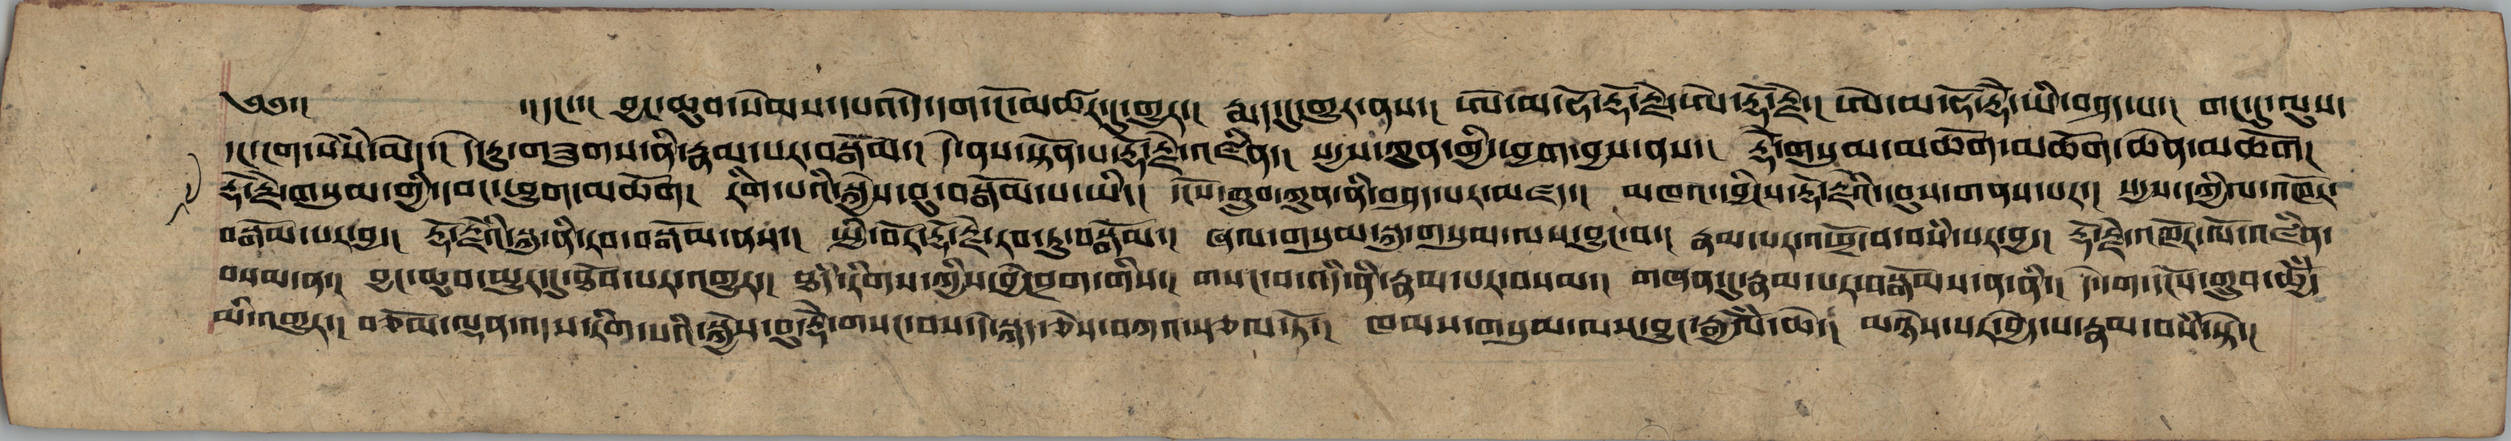༄༅་། ་།དང་་། བྱང་ཆུབ་སེམས་དཔའ་དེ་དག་ངོ་མཚར་དུ་གྱུར་། རྨད་དུ་གྱུར་ནས་། ཨེ་མ་ཧོ་རྡོ་རྗེ་ཨེ་རྡོ་རྗེ་། ཨེ་མ་ཧོ་རྡོེ་ཡི་བཤད་པ་། གང་དུ་ལུས་
དང་ངག་སེཾས་མེད་། དེ་རུ་གཟུགས་ནི་རྣམ་པར་བསྒོམ་། དེ་ནས་སྟོན་པ་རྡོ་རྗེ་འཛིན་། སདྱས་ཀུན་གྱི་ཕྱག་བྱས་ནས་། རྡོེ་གསུམ་མཆོག་མཆོག་ཆེན་མཆོག།
རྡོ་རྗེ་གསུམ་གྱི་དབང་ཕྱུག་མཆོག། རིག་པའི་སྐྱེས་བུ་བསྒོམ་པ་ཡི་། དངོས་གྲུབ་ཀུན་ནི་བཤད་པར་མཛད་། མཁའ་དབྱིངས་རྡོ་རྗེའི་དབུས་གནས་པར་། སདྱས་དཀྱིལ་འཁོར་
བསྒོམ་པར་བྱ་། རྡོ་རྗེའི་སྐུ་ནི་རབ་བསྒོམ་ནས་། སྤྱི་བོར་རྡོ་རྗེ་རབ་ཏུ་བསྒོམ་། ཞལ་གསུམ་སྐུ་གསུམ་ལས་བྱུང་བ་། རྣམ་པར་འཕྲོ་བ་བསཾ་པར་བྱ་། རྡོ་རྗེ་འཁོར་ལོ་འཛིན་
བསམ་ན་། བྱང་ཆུབ་མྱུར་དུ་ཐོབ་པར་འགྱུར་། ཐཾད་རིགས་ཀྱིས་བྱེ་བྲག་གིས་། གསང་བ་འདི་ནི་རྣམ་པར་བསམ་། གཞན་དུ་རྣམ་པར་བསྒོམས་ན་ནི་། དེ་དག་དངོས་གྲུབ་ཆྱོ་
མི་འགྱུར་། བཅོམ་ལྡན་འདས་རིག་པའི་སྐྱེས་བུ་རྡོེ་གསང་བས་དེ་སྐད་ཅེས་བཀའ་སྩལ་ཏོ་། ཁམས་གསུམ་ལས་བྱུང་རྒྱལོ་ཆེ་། མཉེས་པར་བྱེད་པ་རྣམ་བསཾ་སྟེ་།